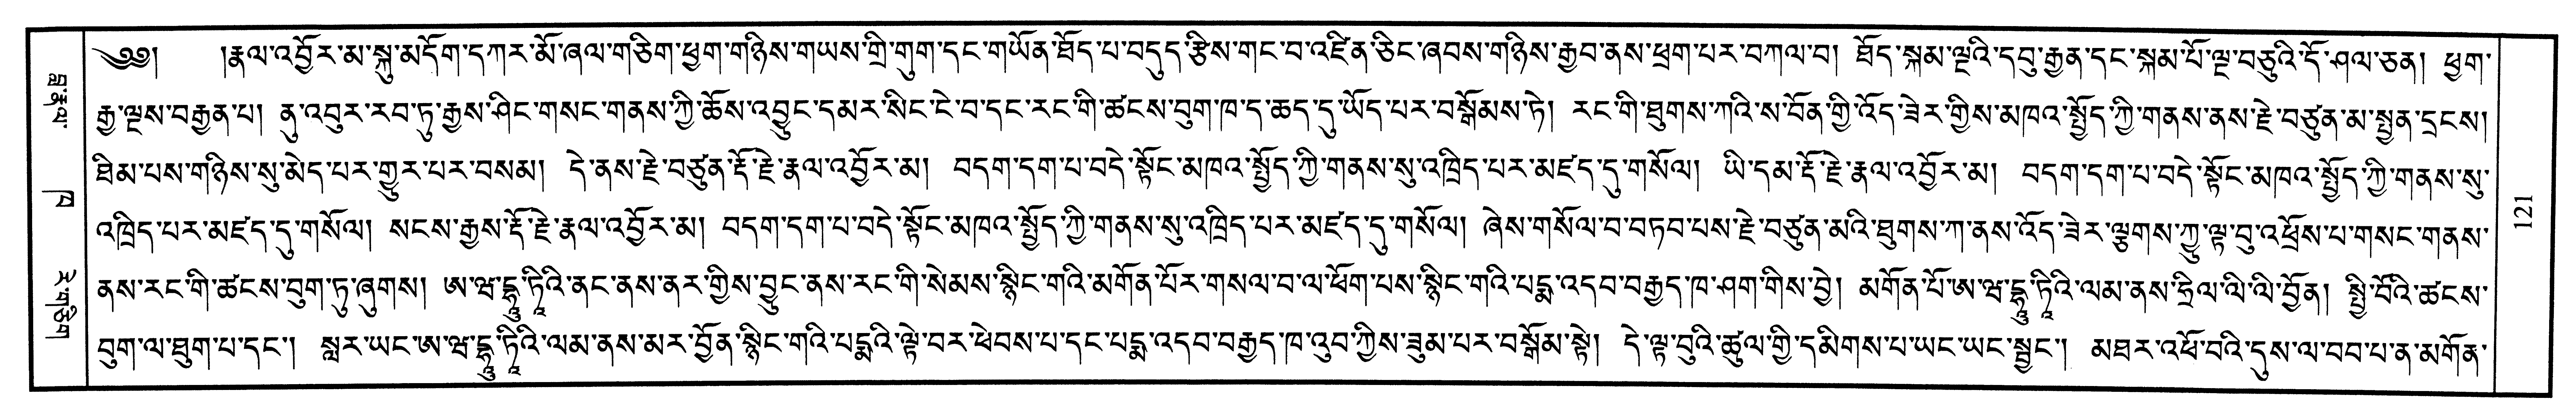༄༅། །རྣལ་འབྱོར་མ་སྐུ་མདོག་དཀར་མོ་ཞལ་གཅིག་ཕྱག་གཉིས་གཡས་གྲི་གུག་དང་གཡོན་ཐོད་པ་བདུད་རྩིས་གང་བ་འཛིན་ཅིང་ཞབས་གཉིས་རྒྱབ་ནས་ཕྲག་པར་བཀལ་བ། ཐོད་སྐམ་ལྔའི་དབུ་རྒྱན་དང་སྐམ་པོ་ལྔ་བཅུའི་དོ་ཤལ་ཅན། ཕྱག་
རྒྱ་ལྔས་བརྒྱན་པ། ནུ་འབུར་རབ་ཏུ་རྒྱས་ཤིང་གསང་གནས་ཀྱི་ཆོས་འབྱུང་དམར་སིང་ངེ་བ་དང་རང་གི་ཚངས་བུག་ཁ་ད་ཆད་དུ་ཡོད་པར་བསྒོམས་ཏེ། རང་གི་ཐུགས་ཀའི་ས་བོན་གྱི་འོད་ཟེར་གྱིས་མཁའ་སྤྱོད་ཀྱི་གནས་ནས་རྗེ་བཙུན་མ་སྤྱན་དྲངས།
ཐིམ་པས་གཉིས་སུ་མེད་པར་གྱུར་པར་བསམ། དེ་ནས་རྗེ་བཙུན་རྡོ་རྗེ་རྣལ་འབྱོར་མ། །བདག་དག་པ་བདེ་སྟོང་མཁའ་སྤྱོད་ཀྱི་གནས་སུ་འཁྲིད་པར་མཛད་དུ་གསོལ། ཡི་དམ་རྡོ་རྗེ་རྣལ་འབྱོར་མ། བདག་དག་པ་བདེ་སྟོང་མཁའ་སྤྱོད་ཀྱི་གནས་སུ་
འཁྲིད་པར་མཛད་དུ་གསོལ། སངས་རྒྱས་རྡོ་རྗེ་རྣལ་འབྱོར་མ། བདག་དག་པ་བདེ་སྟོང་མཁའ་སྤྱོད་ཀྱི་གནས་སུ་འཁྲིད་པར་མཛད་དུ་གསོལ། ཞེས་གསོལ་བ་བཏབ་པས་རྗེ་བཙུན་མའི་ཐུགས་ཀ་ནས་འོད་ཟེར་ལྕགས་ཀྱུ་ལྟ་བུ་འཕྲོས་པ་གསང་གནས་
ནས་རང་གི་ཚངས་བུག་ཏུ་ཞུགས། ཨ་ཝ་དྷཱུ་ཏཱིའི་ནང་ནས་ནར་གྱིས་བྱུང་ནས་རང་གི་སེམས་སྙིང་གའི་མགོན་པོར་གསལ་བ་ལ་ཕོག་པས་སྙིང་གའི་པདམ་འདབ་བརྒྱད་ཁ་ཤག་གིས་བྱེ། མགོན་པོ་ཨ་ཝ་དྷཱུ་ཏཱིའི་ལམ་ནས་ཧྲིལ་ལི་ལི་བྱོན། སྤྱི་བོའི་ཚངས་
བུག་ལ་ཐུག་པ་དང་། སླར་ཡང་ཨ་ཝ་དྷཱུ་ཏཱིའི་ལམ་ནས་མར་བྱོན་སྙིང་གའི་པདམའི་ལྟེ་བར་ཕེབས་པ་དང་པདམ་འདབ་བརྒྱད་ཁ་འུབ་ཀྱིས་ཟུམ་པར་བསྒོམ་སྟེ། དེ་ལྟ་བུའི་ཚུལ་གྱི་དམིགས་པ་ཡང་ཡང་སྦྱང་། མཐར་འཕོ་བའི་དུས་ལ་བབ་པ་ན་མགོན་